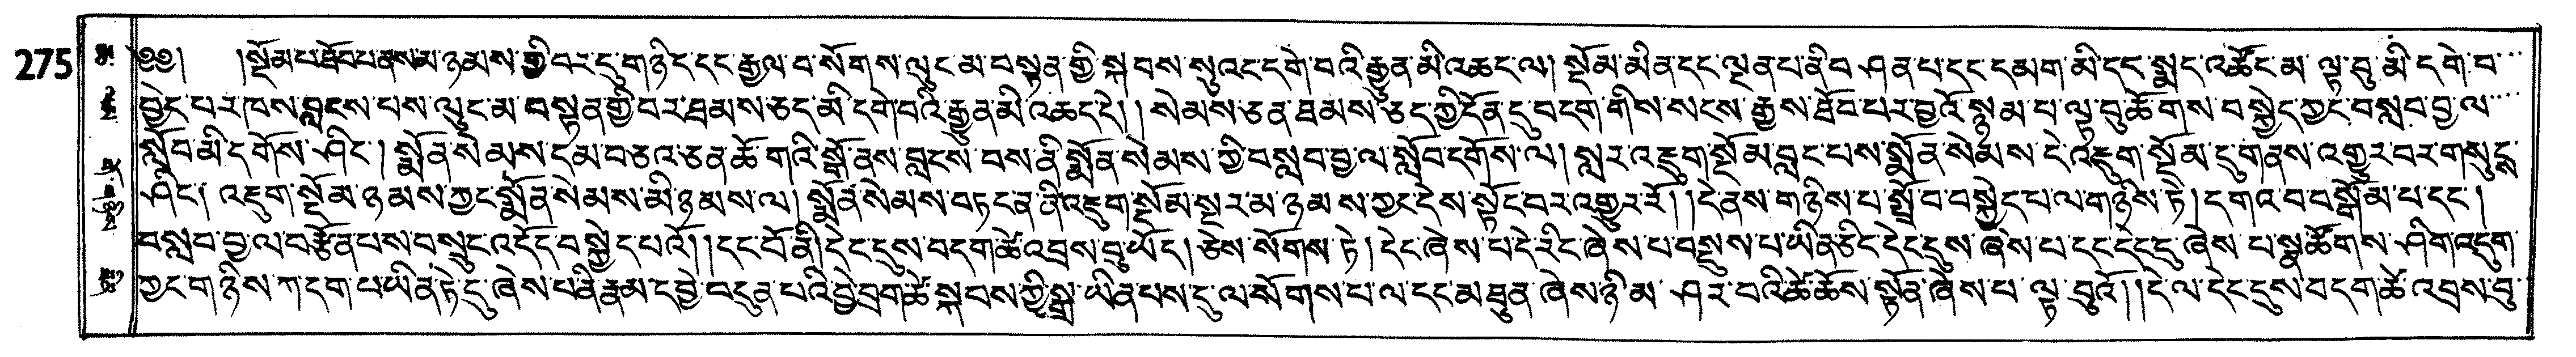༄༅། །སྡོམ་པ་ཐོབ་པ་ནས་མ་ཉམས་གྱི་བར་དུ་གཉིད་དང་རྒྱལ་བ་སོགས་ལུང་མ་བསྟན་གྱི་སྐབས་སུའང་དགེ་བའི་རྒྱུན་མི་འཆད་ལ། སྡོམ་མིན་དང་ལྡན་པ་ནི་བཤན་པ་དང་དམག་མི་དང་སྨད་འཚོང་མ་ལྟ་བུ་མི་དགེ་བ་
བྱེད་པར་ཁས་བླངས་པས་ལུང་མ་བསྟན་གྱི་བར་ཐམས་ཅད་མི་དགེ་བའི་རྒྱུན་མི་འཆད་དེ། །སེམས་ཅན་ཐམས་ཅད་ཀྱི་དོན་དུ་བདག་གིས་སངས་རྒྱས་ཐོབ་པར་བྱའོ་སྙམ་པ་ལྟ་བུ་ཆོ་གས་བསྐྱེད་ཀྱང་བསླབ་བྱ་ལ་
སློབ་མི་དགོས་ཤིང་། སྨོན་སེམས་དམ་བཅའ་ཅན་ཆོ་གའི་སྒོ་ནས་བླངས་བས་ནི་སྨོན་སེམས་ཀྱི་བསླབ་བྱ་ལ་སློབ་དགོས་ལ། སླར་འཇུག་སྡོམ་བླང་པས་སྨོན་སེམས་དེ་འཇུག་སྡོམ་དུ་གནས་འགྱུར་བར་གསུངས་
ཤིང༑ འཇུག་སྡོམ་ཉམས་ཀྱང་སྨོན་སེམས་མི་ཉམས་ལ། སྨོན་སེམས་བཏང་ན་ནི་འཇུག་སྡོམ་སྔར་མ་ཉམས་ཀྱང་དེས་སྟོང་བར་འགྱུར་རོ། །དེ་ནས་གཉིས་པ་སྤྲོ་བ་བསྐྱེད་པ་ལ་གཉིས་ཏེ། དགའ་བ་བསྒོམ་པ་དང་།
བསླབ་བྱ་ལ་བརྩོན་པས་བསྲུང་འདོད་བསྐྱེད་པའོ། །དང་པོ་ནི། དེང་དུས་བདག་ཚེ་འབྲས་བུ་ཡོད། ཅེས་སོགས་ཏེ། དེང་ཞེས་པ་དེ་རིང་ཞེས་པ་བསྡུས་པ་ཡིན་ཅིང་དེང་དུས་ཞེས་པ་དང་དེང་དུ་ཞེས་པ་སྣ་ཚོགས་ཤིག་འདུག་
ཀྱང་གཉིས་ཀ་དག་པ་ཡིན་ཏེ་དུ་ཞེས་པ་ནི་རྣམ་དབྱེ་བདུན་པའི་བྱེ་བྲག་ཚེ་སྐབས་ཀྱི་སྒྲ་ཡིན་པས་དུ་ལ་སོགས་པ་ལ་དང་མཐུན་ཞེས་ཉི་མ་ཤར་བའི་ཚེ་ཆོས་སྟོན་ཞེས་པ་ལྟ་བུའོ། །དེ་ལ་དེང་དུས་བདག་ཚེ་འབྲས་བུ་